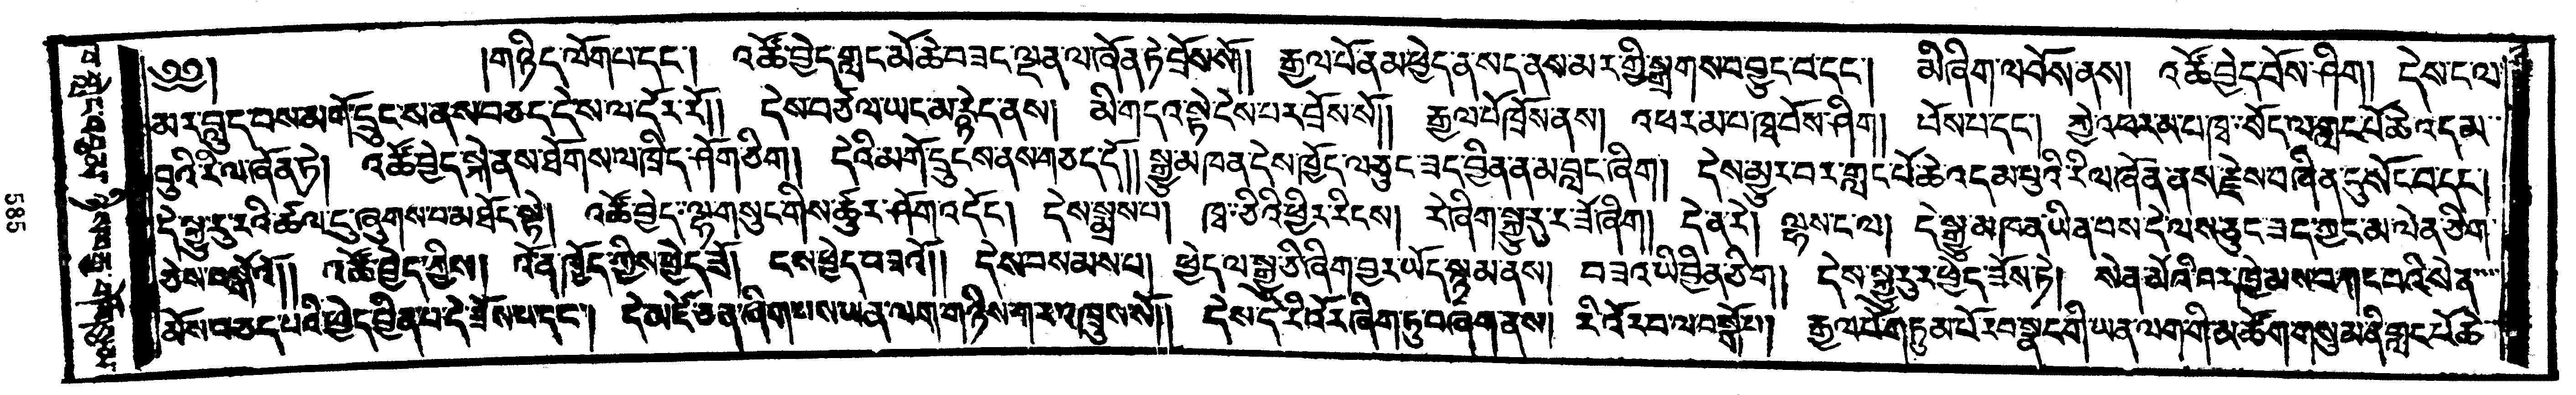༄༅། །གཉིད་ལོག་པ་དང་། འཚོ་བྱེད་གླང་མོ་ཆེ་བཟང་ལྡན་ལ་ཞོན་ཏེ་བྲོས་སོ།། རྒྱལ་པོ་ནམ་ཕྱེད་ནས་སད་ནས་མར་གྱི་སྒྲགས་པ་བྱུང་བ་དང་། མི་ཞིག་ལྦོས་ནས། འཚོ་བྱེད་བོས་ཤིག། དེས་ང་ལ་
མར་བླུད་བས་མགོ་དྲུང་ས་ནས་བཅད་དེ་ས་ལ་དོར་རོ།། དེས་བཙལ་ཡང་མ་རྙེད་ནས། མི་གདའ་སྟེ་ངེས་པར་བྲོས་སོ།། རྒྱལ་པོ་ཁྲོས་ནས། འཕར་མ་པ་ཁྭ་བོས་ཤིག། པོས་པ་དང་། ཀྱེ་འཕར་མ་པ་ཁྭ་སོད་ལ་གླང་པོ་ཆེ་འདམ་
བུའི་རི་ལ་ཞོན་ཏེ། འཚོ་བྱེད་སྐེ་ནས་ཐོགས་ལ་ཁྲིད་ཤོག་ཅིག། དེའི་མགོ་དྲུངས་ནས་གཅད་དོ།། སྒྱུ་མཁན་དེས་ཁྱོད་ལ་ཅུང་ཟད་བྱིན་ན་མ་བླང་ཞིག། དེས་མྱུར་བར་གླང་པོ་ཆེ་འདམ་པུའི་རིལ་ཞོན་ནས་རྗེས་བཞིན་དུ་སོང་བ་དང་།
དེ་སྐྱུ་རུ་རའི་ཚལ་དུ་ཞུགས་པ་མཐོང་སྟེ། འཚོ་བྱེད་ལྷ་གསུང་གིས་ཚུར་ཤོག་འདོང་། དེས་སྨྲས་པ། ཁྭ་ཅིའི་ཕྱིར་རིངས། རེ་ཞིག་སྐྱུ་རུ་ར་ཟོ་ཞིག། དེ་ན་རེ། ལྷས་ང་ལ། དེ་སྒྱུ་མཁན་ཡིན་པས་དེ་ལས་ཅུང་ཟད་ཀྱང་མ་ལེན་ཅིག་
ཅེས་བསྒོའོ། འཚོ་བྱེད་ཀྱིས། འོ་ན་ཁྱོད་ཀྱིས་ཕྱེད་ཟོ། ངས་ཕྱེད་བཟའོ། །དེས་བསམས་པ། ཕྱེད་ལ་སྒྱུ་ཅི་ཞིག་བྱར་ཡོད་སྙམ་ནས། བཟའ་ཡི་བྱིན་ཅིག། དེས་སྐྱུ་རུ་ར་ཕྱེད་ཟོད་ཏེ། སེན་མོའི་བར་ཁྱེམས་བ་ཀང་བའི་སེན་
མོས་བཅད་པའི་ཕྱེད་བྱིན་པ་དེ་ཟོས་པ་དང་། དེ་མཛེ་ཅན་ཞིག་པས་ཡན་ལག་གཉིས་གར་འཁྲུས་སོ།། དེས་དེ་རི་འོར་ཞིག་ཏུ་བཞག་ནས། རི་འོར་བ་ལ་བསྒོ་པ། རྒྱལ་པོ་གཏུམ་པོ་རབ་སྣང་གི་ཡན་ལན་གི་མ་ཚོག་གསུམ་ནི་གླང་པོ་ཆེ་